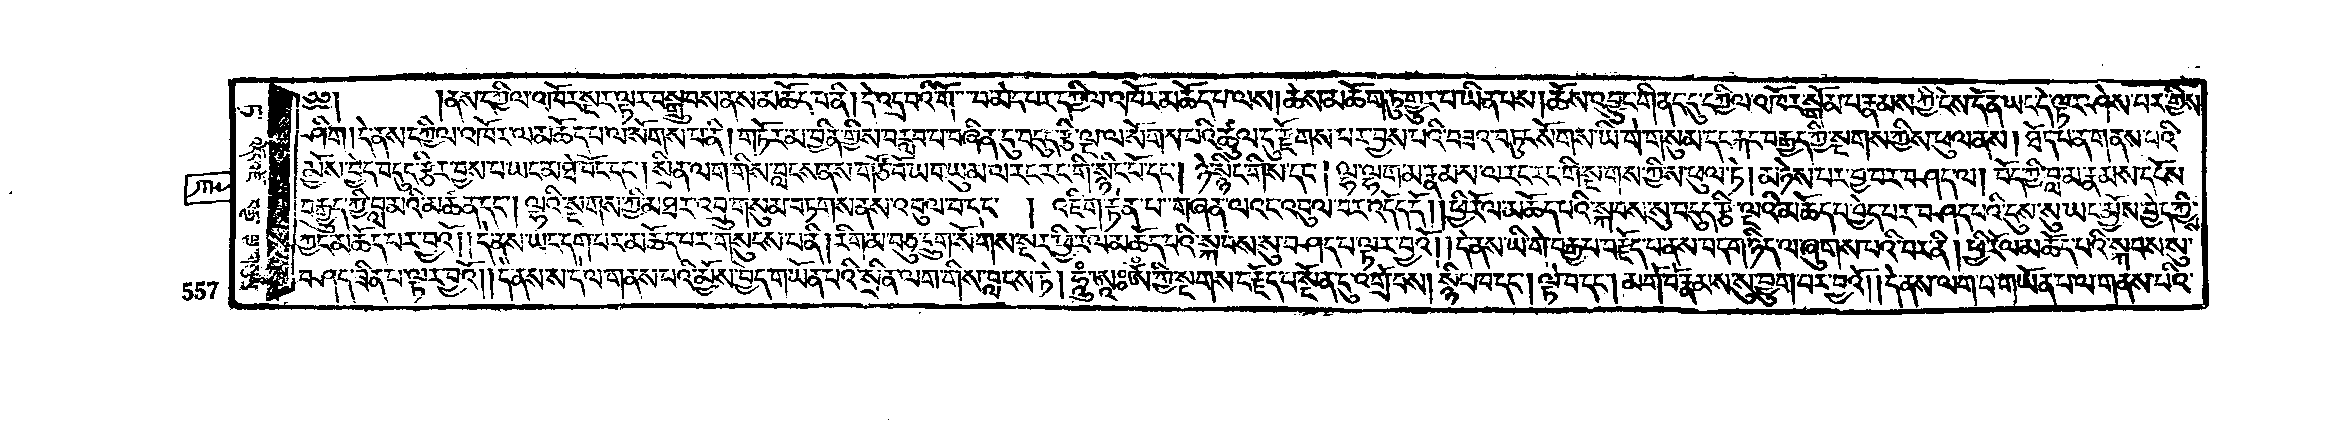༄༅། །ནས་དཀྱིལ་འཁོར་སྔར་ལྟར་བསྒྲུབས་ནས་མཆོད་པ་ནི། དེ་འདྲ་བའི་གོ་བ་མེད་པར་དཀྱིལ་འཁོར་མཆོད་པ་ལས། ཆོས་མཆོག་ཏུ་གྱུར་པ་ཡིན་པས། ཆོས་འབྱུང་གི་ནང་དུ་དཀྱིལ་འཁོར་སྒོམ་པ་རྣམས་ཀྱི་ངེས་དོན་ཡང་དེ་ལྟར་ཤེས་པར་གྱིས་
ཤིག །དེ་ནས་དཀྱིལ་འཁོར་ལ་མཆོད་པ་ལ་སོགས་པ་ནི། གཏོར་མ་བྱིན་གྱིས་བརླབ་པ་བཞིན་དུ་བདུད་རྩི་ལྔ་ལ་སོགས་པའི་ཚུལ་དུ་རྫོགས་པར་བྱས་པའི་བཟའ་བཏུང་སོགས་ཡི་གེ་གསུམ་དང་རྐང་བརྒྱད་ཀྱི་སྔགས་ཀྱིས་ཕུལ་ནས། ཐོད་པ་ན་གནས་པའི་
མྱོས་བྱེད་བདུད་རྩིར་བྱས་པ་ཡང་མཐེ་བོང་དང་། སྲིན་ལག་གིས་བླངས་ནས་གཙོ་བོ་ཡབ་ཡུམ་ལ་རང་རང་གི་སྙིང་པོ་དང་། ཉེ་སྙིང་གིས་དང་། ལྷ་ལྷག་མ་རྣམས་ལ་རང་རང་གི་སྔགས་ཀྱིས་ཕུལ་ཏེ། མཉེས་པར་བྱ་བར་བཤད་ལ། བོད་ཀྱི་བླ་མ་རྣམས་དངོས་
བརྒྱུད་ཀྱི་བླ་མའི་མཚན་དང་། ལྷའི་སྔགས་ཀྱི་མཐར་འབྲུ་གསུམ་བཏགས་ནས་འབུལ་བ་དང་། འཇིག་རྟེན་པ་གཞན་ལའང་འབུལ་བར་འདོད་དོ། །ཕྱི་རོལ་མཆོད་པའི་སྐབས་སུ་བདུད་རྩི་ལྔའི་མཆོད་པ་བྱེད་པར་བཤད་པའི་དུས་སུ་ཡང་མྱོས་བྱེད་ཀྱིས་
ཀྱང་མཆོད་པར་བྱའོ། །དེ་ནས་ཡང་དག་པར་མཆོད་པར་གསུངས་པ་ནི། རིག་མ་བཅུ་དྲུག་སོགས་སྔར་ཕྱི་རོལ་མཆོད་པའི་སྐབས་སུ་བཤད་པ་ལྟར་བྱའོ། །དེ་ནས་ཡི་གེ་བརྒྱ་པ་བརྗོད་པ་ནས་བདག་ཉིད་ལ་ཞུགས་པའི་བར་ནི། ཕྱི་རོལ་མཆོད་པའི་སྐབས་སུ་
བཤད་ཟིན་པ་ལྟར་བྱའོ། །དེ་ནས་ས་དེ་ལ་གནས་པའི་མྱོས་བྱེད་གཡོན་པའི་སྲིན་ལག་གིས་བླངས་ཏེ། ཧཱུཾ་ཨཱཿ ཨོཾ་ཀྱི་སྔགས་བརྗོད་པ་སྔོན་དུ་འགྲོ་བས། སྙིང་ཁ་དང་། ལྟེ་བ་དང་། མགོ་བོ་རྣམས་སུ་བྱུག་པར་བྱའོ། །དེ་ནས་ལག་པ་གཡོན་པ་ལ་གནས་པའི་